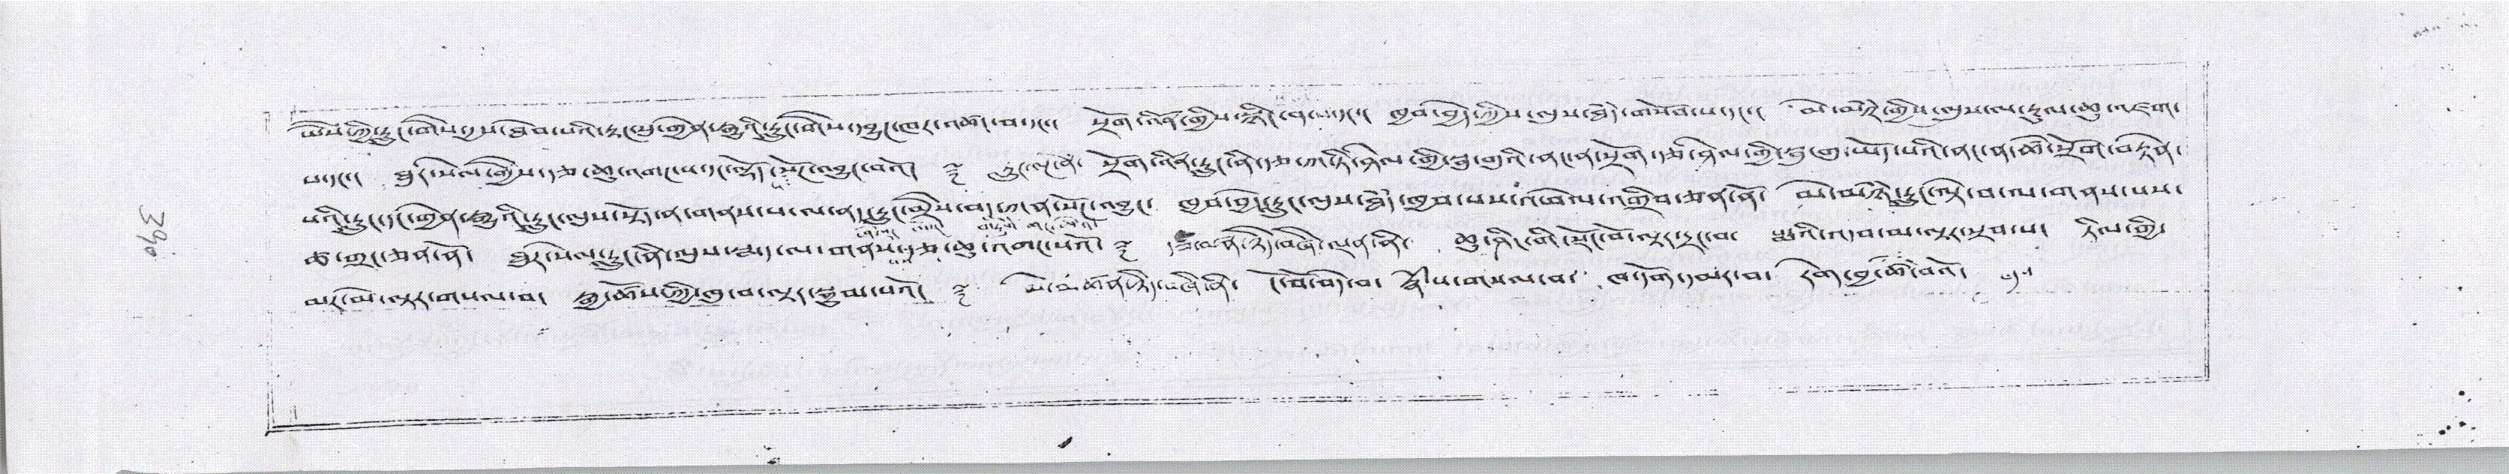ཡེ་ཤེས་ཀྱི་རླུང་གིས་རྒྱས་ཐེབས་པའི་རྟགས་སུ་གྱེན་རྒྱུའི་རླུང་གིས་དབྱུགས་ཁར་འཚང་བ་དང་། སྲོག་འཛིན་གྱིས་སྙིང་ན་བ་དང་། ཁྱབ་བྱེད་ཀྱིས་ལུས་ཐམས་ཅད་གསོབ་པ་དང་། མེ་མཉམ་གྱིས་ལུས་ལ་རྔུལ་ཆུ་འཛག་
པ་དང་། ཐུར་སེལ་གྱིས་རྩ་ཆུ་འགག་པ་དང་ལྷོད་པ་སོགས་འབྱུང་བའོ།། རླུང་ལྔ་ནི། སྲོག་འཛིན་རླུང་ནི། རྩ་ཀ་ཏི་ཤེལ་གྱི་སྦུ་གུའི་ནང་ན་སྲོག་རྩ་ཤེལ་གྱི་སྦུ་གུ་ཡོད་པའི་ནང་ན་ཚེ་སྲོག་བརྟེན་
པའི་རླུང་དང་གྱེན་རྒྱུའི་རླུང་ལུས་སྟོད་ན་གནས་པ་ལ་ནད་རླུང་འཁྲིས་བད་ཀན་སོགས་འབྱུང་། ཁྱབ་བྱེད་རླུང་ལུས་ཐམས་ཅད་ཁྱབ་པས་འཕེལ་འགྲིབ་ཅན་ནོ། མེ་མཉམ་རླུང་ལྟེ་བ་ལ་གནས་པས་
ཚ་གྲང་ཅན་ནོ། ཐུར་སེལ་རླུང་ནི་ལུས་སྨད་ན་གནས་པས་རྩ་ཆུ་འགག་པའོ།།རྩ་མཚན་ཉིད་བཞི་ལྡན་ནི། ཆུ་ཤིང་གི་སྡོང་པོ་ལྟར་དྲང་བ། པདྨའི་འདབ་མ་ལྟར་སྲབ་པ། ཏིལ་གྱི་
མར་མེ་ལྟར་གསལ་བ། རྒྱ་ཚོས་ཀྱི་ཁུ་བ་ལྟར་སྣུམ་པའོ། ༧ མེ་མཚན་ཉིད་བཞི་ནི། ངོ་བོ་བདེ་བ། རྣམ་པ་གསལ་བ། ཁ་དོག་དམར་བ། རེག་བྱ་ཚ་བའོ།།